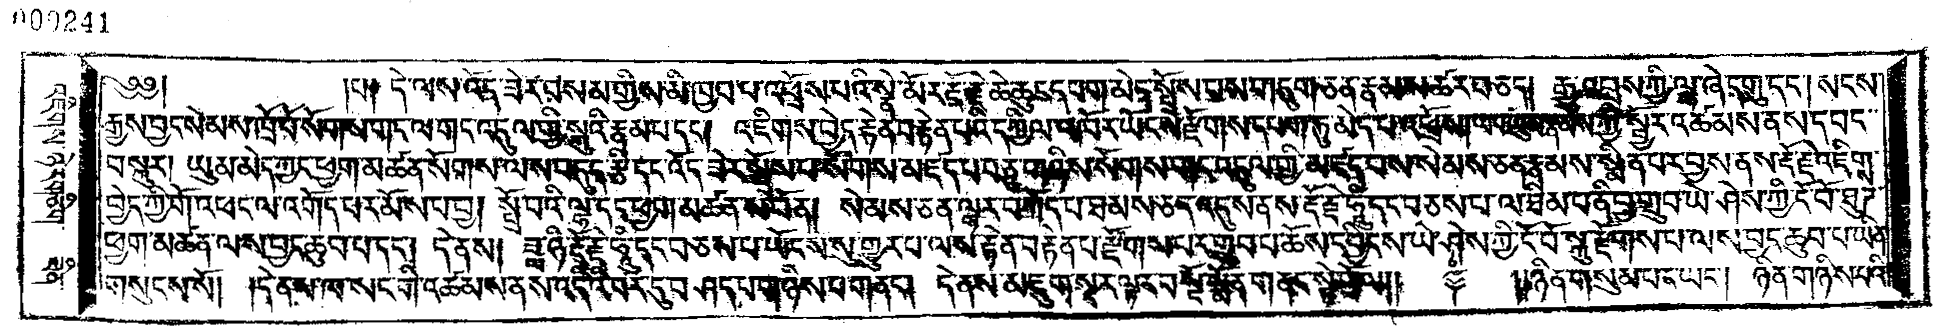༄༅། །པ། དེ་ལས་འོད་ཟེར་བསམ་གྱིས་མི་ཁྱབ་པ་འཕྲོས་པའི་སྣེ་མོར་རྡོ་རྗེ་ཆེ་ཆུང་དཔག་མེད་སྤྲོས་པས་གདུག་ཅན་རྣམས་ཚར་བཅད། རྒྱུ་འབྲས་ཀྱི་ལྷ་ཞེ་དགུ་དང་། སངས་
རྒྱས་བྱང་སེམས་ཁྲོ་བོ་སོགས་གང་ལ་གང་འདུལ་གྱི་སྐུའི་རྣམ་པ་དང་། འཇིགས་བྱེད་རྟེན་བརྟེན་པའི་དཀྱིལ་འཁོར་ཡོངས་རྫོགས་དཔག་ཏུ་མེད་པ་འཕྲོས། ཡབ་ཡུམ་རྣམས་ཀྱི་སྦྱོར་འཚམས་ནས་དབང་
བསྐུར། ཡུམ་མེད་ཀྱང་ཕྱག་མཚན་སོགས་ལས་བདུད་རྩི་དང་འོད་ཟེར་སྤྲོས་པ་སོགས་མཛད་པ་བཅུ་གཉིས་སོགས་གང་འདུལ་གྱི་མཛད་པས་སེམས་ཅན་རྣམས་སྨིན་པར་བྱས་ནས་རྡོ་རྗེ་འཇིགས་
བྱེད་ཀྱི་གོ་འཕང་ལ་འགོད་པར་མོས་པ་བྱ། སྤྲོ་བའི་ལྷ་དང་ཕྱག་མཚན་ས་བོན། སེམས་ཅན་ལྷར་བཀོད་པ་ཐམས་ཅད་འདུས་ནས་རྡོ་རྗེ་ཧཱུཾ་དང་བཅས་པ་ལ་ཐིམ་པ་ནི་བྱ་གྲུབ་ཡེ་ཤེས་ཀྱི་ངོ་བོ་ཐུགས་
ཕྱག་མཚན་ལས་བྱང་ཆུབ་པ་དང་། དེ་ནས། ཟླ་ཉི་རྡོ་རྗེ་ཧཱུཾ་དང་བཅས་པ་ཡོངས་སུ་གྱུར་པ་ལས་རྟེན་བརྟེན་པ་རྫོགས་པར་གྲུབ་པ་ཆོས་དབྱིངས་ཡེ་ཤེས་ཀྱི་ངོ་བོ་སྐུ་རྫོགས་པ་ལས་བྱང་ཆུབ་པ་ཡིན་
གསུངས་སོ། །དེ་ནས་ཁ་སང་གི་འཚམས་ནས་འདིའི་བར་དུ་བཤད་པ་གཉིས་པ་གནང་། དེ་ནས་མཇུག་སྔར་ལྟར་བསྔོ་སྨོན་གནང་སྟེ་གྲོལ།། ༈ །།ཉིན་གསུམ་པར་ཡང་། ཉིན་གཉིས་པའི་